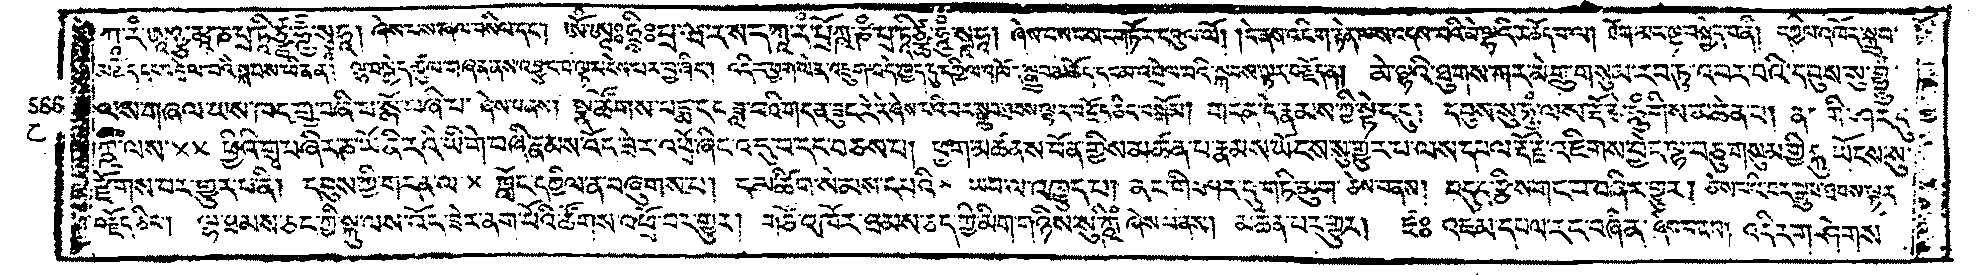ཀཱ་རཾ་ཨཱཉྩ་མཱ་ཎ་པྲ་ཏཱི་ཙྪ་ཧཱུཾ་སྭཱཧཱ། ཞེས་པས་ཞལ་བསིལ་དང་།  ཨོཾ་ཨཱཿཧྲཱིཿཔྲ་ཝ་ར་སད་ཀཱ་རཾ་པྲོཀྵ་ཎཾ་པྲ་ཏཱཙྪི་ཧཱུཾ་སྲཱཧཱ། ཞེས་བས་བསང་གཏོར་དབུལ་ལོ། །དེ་ནས་འཇིག་རྟེན་ལས་འདས་པའི་མེ་ལྷའི་མཆོད་པ་ལ། ཐོག་མར་ལྷ་བསྐྱེད་པ་ནི། དཀྱིལ་འཁོར་སྒྲུབ།
མཆོད་དང་འབྲེལ་བའི་སྐབས་ཡིན་ནི། ལྷ་བསྐྱེད་ཚུལ་བསྐྱེད་ཚུལ་གཞན་ནས་འབྱུང་བ་ལྷར་ངེས་པར་བྱ་ཞིང་། འདིར་ཕྱག་ལེན་འཇུག་བདེ་ཁྱེད་དུ་དཀྱིལ་འཁོར་སྒྲུབ་མཆོད་དང་མ་འབྲེལ་བའི་སྐབས་ལྟར་བརྗོད་ན། མེ་ལྷའི་ཐུགས་ཀར་མེ་གྲུ་གསུམ་རབ་ཏུ་འབར་བའི་དབུས་སུ་བྷཱུཾ་
ལས་གཞལ་ཡས་ཁང་གྲུ་བཞི་པ་སྒོ་བཞི་པ་ཞེས་པ་ནས། སྣ་ཚོགས་པདམ་དང་ཟླ་བའི་གདན་ཟུང་རེ་རེ་ཞེས་པའི་བར་སྒྲུབ་ཐབས་ལྟར་བརྗོད་ཅིང་བསྒོམ།  གདན་དེ་རྣམས་ཀྱི་སྟེང་དུ། དབུས་སུ་ཧཱུཾ་ལས་རྡོ་རྗེ་ཧཱུཾ་གིས་མཆེན་པ། ནང་གི་ཤར་དུ་
ཀྵྲ་ལས་྾྾་ཕྱིའི་གྲྭ་བཞིར་ཎ་ཡོ་ནི་རའི་ཡི་གེ་བཞི་རྣམས་འོད་ཟེར་འཕྲོ་ཞིང་འདུ་བ་དང་བཅས་པ། ཕྱག་མཚན་ས་བོན་གྱིས་མཚན་པ་རྣམ་ཡོངས་སུ་གྱུར་པ་ལས་དཔལ་རྡོ་རྗེ་འཇིགས་བྱེད་ལྷ་བཅུ་གསུམ་གྱི་སྐུ་ཡོངས་སུ་་་
རྫོགས་པར་གྱུར་པ་ནི། དབུས་ཀྱི་གདན་ལ་྾་ཀློང་དཀྱིལ་ན་བཞུགས་པ། དམ་ཚིགས་སེམས་དཔའི་྾་ཡབ་ལ་འཁྱུད་པ། ནང་གི་ཤར་དུག་རྟི་མུག་དས་པ་ནས།  བདུད་རྩིས་གང་བ་བཞིར་གྱུར། ཅེས་པའི་བར་སྒྲུབ་ཐབས་ལྟར་
བརྗོད་ཅིང་། ལྷ་ཐམས་ཅད་ཀྱི་སྐུ་ལས་འོད་ཟེར་ནག་པོའི་ཚོགས་འཕྲོ་བར་གྱུར། གཙོ་འཁོར་ཐམས་ཅད་ཀྱི་མིག་གཉིས་སུ་ཀྵིཾ་ཞེས་པ་ནས། མཚན་པར་གྱུར། ཛཿ འཇམ་དཔལ་རང་བཞིན་ཞེས་པ་ནས། འདིར་གཤེགས་